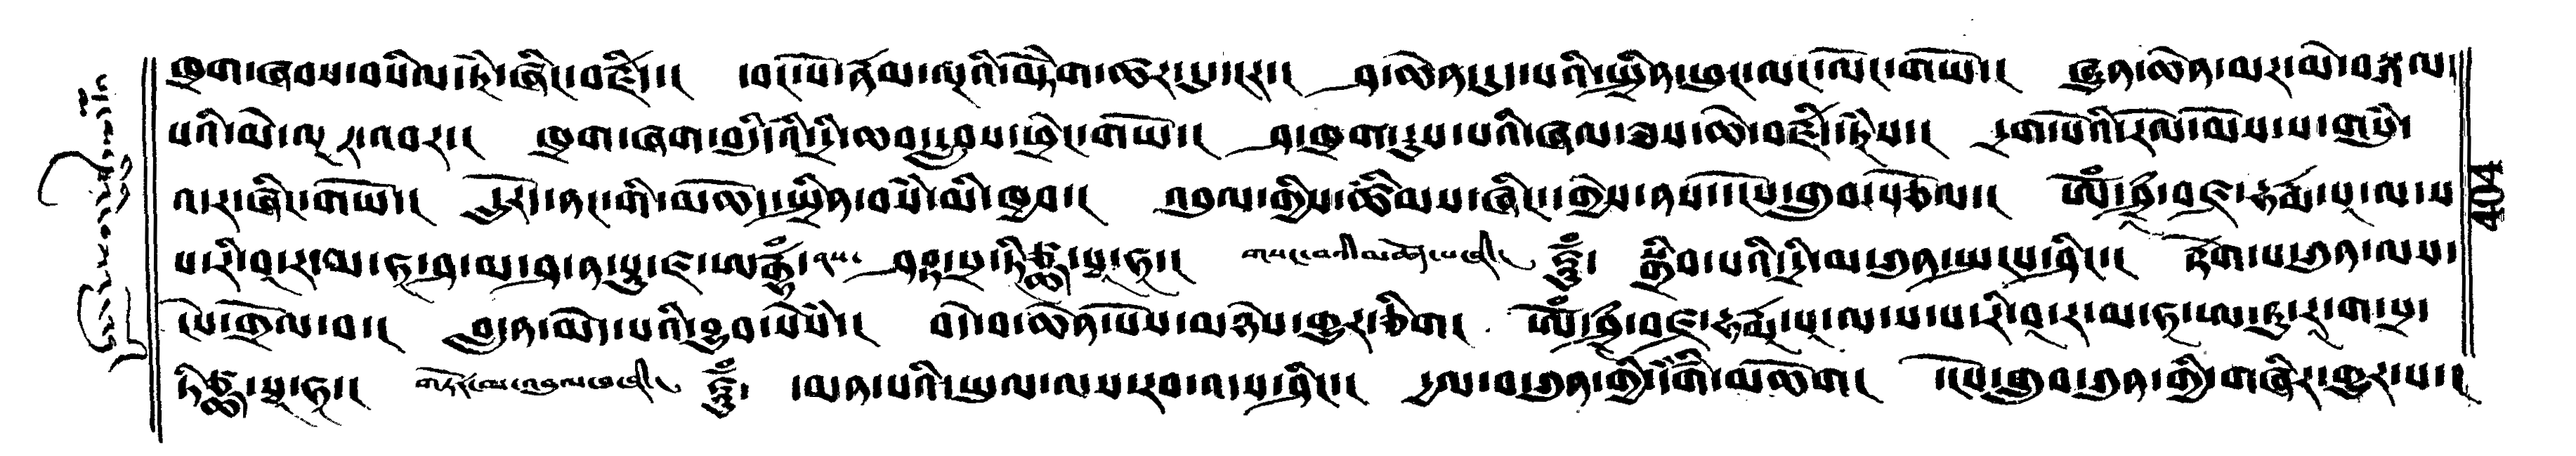ཁྲག་ཞབས་བསིལ་རྔམ་ཞིང་བརྗིད། །དབང་པོ་རྣམ་ལྔའི་མེ་ཏོག་ཚར་དུ་དངར། །ཤ་ཆེན་དུད་པའི་སྤྲིན་ཕུང་ལང་ལོང་གཡོ། །ཞུན་ཆེན་མར་མེ་བསྐལ་
པའི་མེ་ལྔར་འབར། །ཁྲག་ཞག་བདུད་རྩིའི་དྲི་ཆབ་རླབས་ཕྲེང་གཡོ། །ཤ་ཁྲག་རུས་པའི་ཞལ་ཟས་ཆེ་བརྗིད་རྔམས། །དྲག་པོའི་རོལ་མོས་ས་གསུམ་
འདར་ཞིང་གཡོ། །དུར་ཁྲོད་ནང་གི་མཆོད་སྤྲིན་བསམ་མི་ཁྱབ། །འབུལ་གྱིས་ཚིམས་ཞིང་དགྱེས་ནས་དངོས་གྲུབ་སྩོལ། །ཨོཾ་ཤྲཱི་བཛྲ་དྷརྨ་པཱ་ལ་ས་
པ་རི་བཱ་ར་མ་ཧཱ་ཤ་མ་ཤ་ན་པཱུ་ཛ་ཨརྒྷཾ་ནས་ཤབྟ་པྲ་ཏིཙྪ་སྭ་ཧཱ། གསང་བའི་མཆོད་པ་ནི། ཧཱུྃ། སྒྲིབ་པའི་དྲི་མ་ཀུན་སྤངས་ཤིང་། །རྟོག་པ་ཀུན་ལས་
ངེས་གྲོལ་བ། །བླ་ན་མེད་པའི་བྱང་ཆུབ་སེམས། །བདེ་བ་ཆེན་པོས་མཉེས་གྱུར་ཅིག །ཨོཾ་ཤྲཱི་བཛྲ་དྷརྨ་པཱ་ལ་ས་པ་རི་བཱ་ར་མ་ཧཱ་ཨ་ནུ་རཱ་ག་པྲ་
ཏིཙྪ་སྭ་ཧཱ། གཏོར་མ་འབུལ་བ་ནི། ཧཱུྃ། དམན་པའི་ཡུལ་ལས་རབ་འདས་ཤིང་། །རྒྱལ་བ་ཀུན་གྱི་དམ་ཚིག་མཆོག །དངོས་གྲུབ་ཀུན་གྱི་གཞིར་གྱུར་པ།